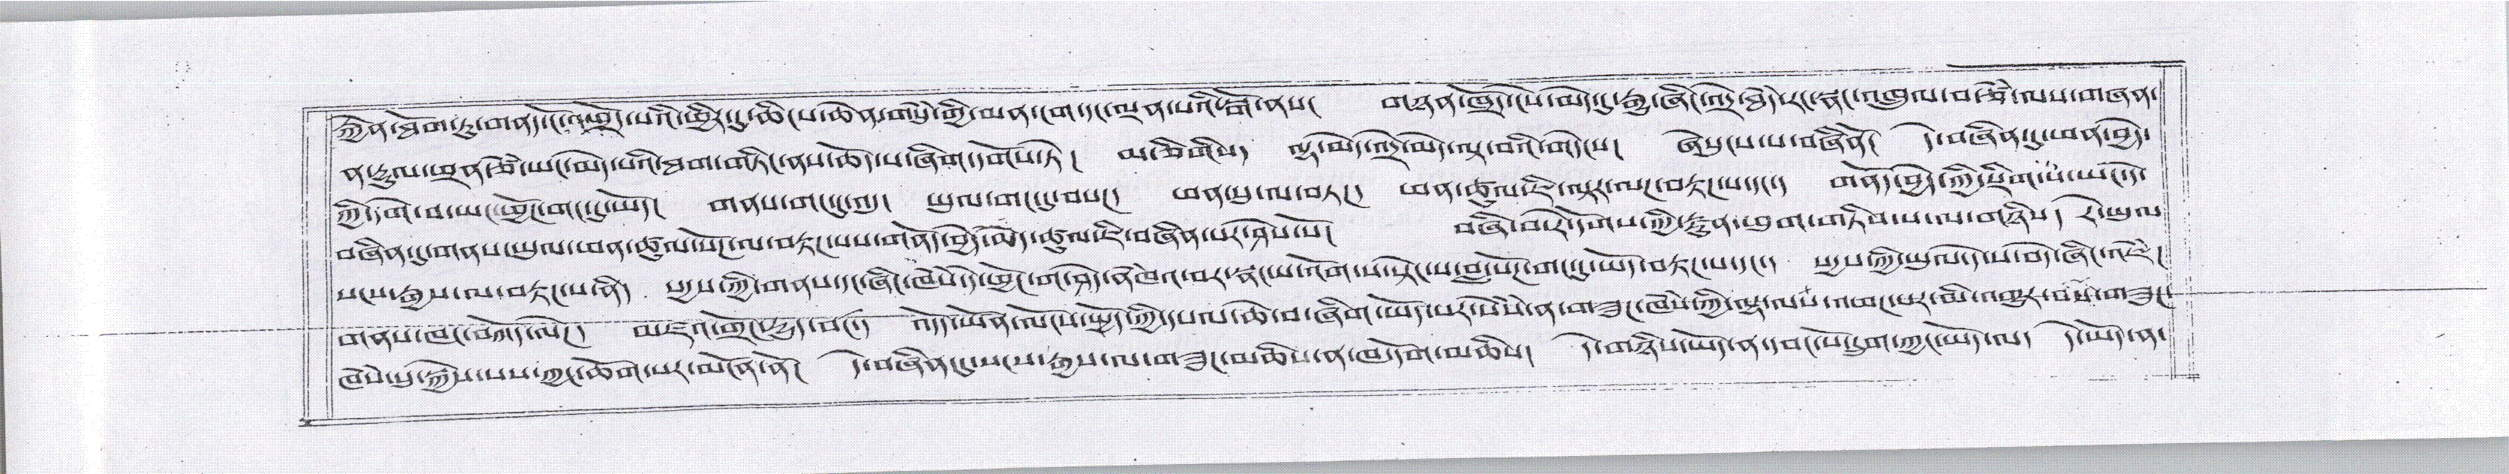རྐྱེན་ཐོག་ཏུ་གནད་ངོ་སྤྲོད་པའི་ཕྱིར་དུ་ཆིངས་ཆེན་གསུམ་གྱི་མན་ངག་དང་ལྡན་པའི་སྒོ་ནས། གཉན་ཁྲོད་ངེས་མེད་དུ་རྒྱུ་ཞིང་འདྲེ་ཐམས་ཅད་རང་སྣང་འཁྲུལ་པ་ཙམ་ལས་གཞན་
ན་རྡུལ་ཕྲན་ཙམ་ཡང་མེད་པའི་ཐག་གཏིང་ནས་ཆོད་པ་ཞིག་དགོས་ཏེ། མ་ཅིག་གིས། ལྷ་མེད་འདྲེ་མེད་ལྟ་བའི་གདེངས། ཞེས་གསུངས་པ་བཞིན་ནོ། དེ་བཞིན་དུ་ཕན་བྱེད་
ཀྱི་དགེ་བ་ཡང་ཕྱོགས་གང་དུ་ཡོད། གནས་གང་དུ་འདུ། ཡུལ་གང་དུ་བསགས། ཕན་སུ་ལ་བཏགས། ཕན་ཚུལ་ཇི་ལྟར་ལགས་བརྟགས་པ་དང་། གནོད་བྱེད་ཀྱི་སྡིག་པ་ཡང་དེ་
བཞིན་དུ་གནས་ཡུལ་ཕན་ཚུན་སོགས་ལ་བརྟགས་པས་གནོད་བྱེད་མེད་ཚུལ་ཇི་བཞིན་པར་ཤེས་སོ། བཞི་པ་རེ་དྭོགས་ཀྱི་རྫུན་ཕུགས་གཏིབས་པ་ལ་གཉིས། རེ་ཡུལ་
སངས་རྒྱས་ལ་བརྟགས་པ་ནི། སངས་རྒྱས་ཀྱི་གནས་དང་ཞིང་ཁམས་དེ་ཕྱོགས་ག་ཤེད་ནམ་མཁའ་བར་སྣང་ས་འོག་ས་སྟེང་ས་བླ་སོགས་གང་དུ་ཡོད་བརྟགས་པ་དང་། སངས་རྒྱས་ཀྱི་ཡུལ་དེ་ས་བདེ་ཞིང་འཇམ། 
གནས་ཁང་བཀོད་ལེགས། མཛའ་གྲོགས་རྒྱུད་བཟང་། འདོད་ཡོན་ལོངས་སྤྱོད་ཀྱི་དཔལ་ཆེ་བ་ཞིག་ཡོད་པར་སེམས་ན་གཟུགས་ཁམས་ཀྱི་ལྷ་ལ་འཕགས་པར་མི་འགྱུར་བས་གཟུགས་
ཁམས་སུ་སྐྱེས་པས་ཀྱང་ཆོག་པར་མངོན་ནོ། དེ་བཞིན་དུ་སངས་རྒྱས་ལ་གཟུགས་མཆིས་ན་ཁ་དོག་མཆིས། དེ་གཉིས་ཡོད་ན་དབང་པོ་དྲུག་ཀྱང་ཡོད་ལ། དེ་ཡོད་ན་